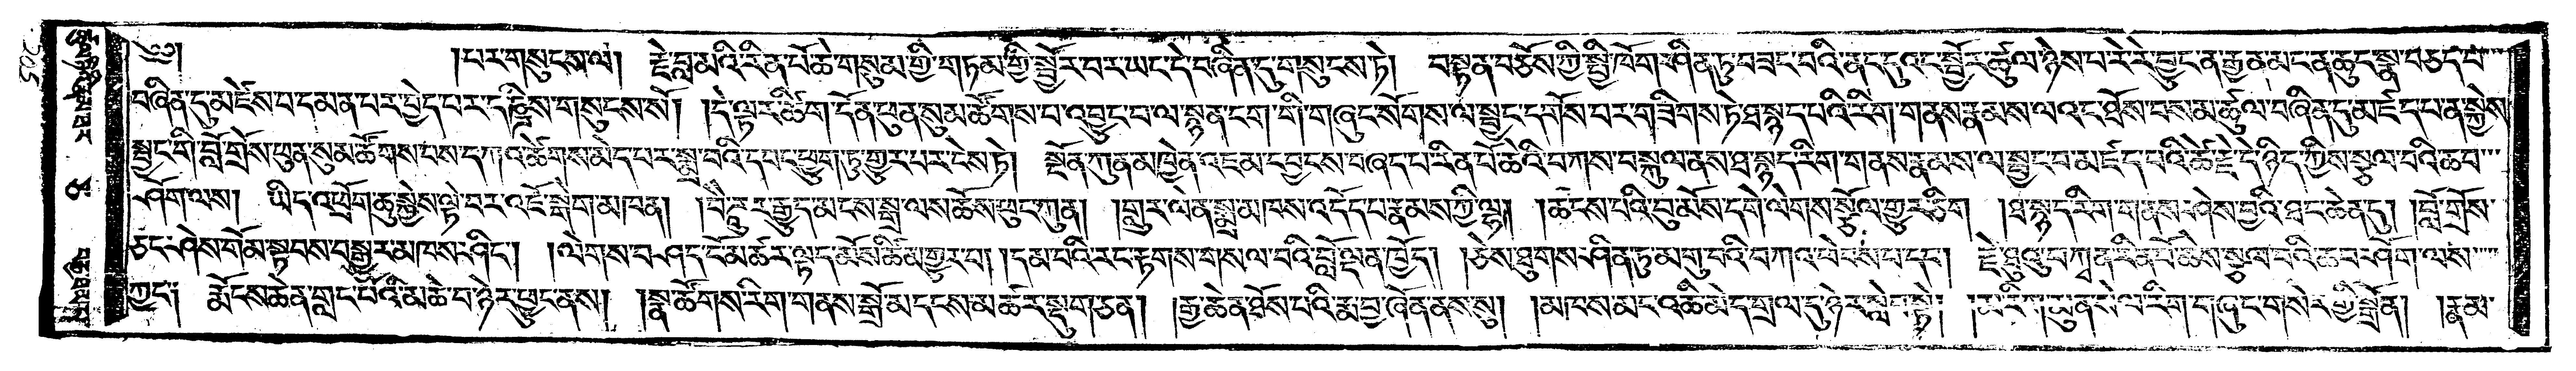༄༅། །པར་གསུངས་ལ། རྗེ་བླ་མའི་རིན་པོ་ཆེ་གསུམ་གྱི་གཏམ་གྱི་སྦྱོར་བར་ཡང་དེ་བཞིན་དུ་གསུངས་ཏེ། བསྟན་བཅོས་ཀྱི་སྤྱི་ཁོག་ཤིན་ཏུ་བཟང་བའི་ནང་དུའང་སྦྱོར་ཚུལ་ཉེས་བར་རེ་རེ་བྱུང་ན་རྒྱན་མང་ན་ཆུང་སྣ་བཅད་པ་
བཞིན་དུ་མཛེས་པ་དམན་པར་བྱེད་པར་དཎྜིས་གསུངས་སོ། །དེ་ལྟར་ཚིག་དོན་ཕུན་སུམ་ཚོགས་པ་འབྱུང་བ་ལྟ་སྙན་ངག་གི་གཞུང་སོགས་ལ་སྦྱང་དགོས་པར་གཟིགས་ཏེ་ཐ་སྙད་པའི་རིག་གནས་རྣམས་ལའང་ཐོས་བསམ་ཚུལ་བཞིན་དུ་མཛད་པ་ན་སྐྱེས་
སྦྱང་གི་བློ་གྲོས་ཕུན་སུམ་ཚོགས་བས་དཀའ་ཚེགས་མེད་པར་སྨྲ་བའི་དབང་ཕྱུག་ཏུ་གྱུར་པར་ངེས་ཏེ། སྔོན་ཀུན་མཁྱེན་འཇམ་དབྱངས་བཞད་པ་རིན་པོ་ཆེའི་བཀས་བསྐུལ་ནས་ཐ་སྙད་རིག་གནས་རྣམས་ལ་སྦྱང་བ་མཛད་པའི་ཚེ་རྗེ་དེ་ཉིད་ཀྱིས་སྩལ་བའི་ཆབ་
ཤོག་ལས། ཡིད་འཕྲོག་ཆུ་སྐྱེས་ལྟེ་བར་འཇོ་སྒེག་མཁན། །བཻ་ཌཱུར་རྒྱུད་མངས་སྒྲ་ལས་ཆོས་ཕུང་ཀུན། །གླུར་ལེན་སྨྲ་མཁས་འདོད་པ་རྣམས་ཀྱི་ལྷ། །ཚངས་པའི་བུ་མོས་དགེ་ལེགས་སྩོལ་གྱུར་ཅིག །ཐ་སྙད་རིག་གནས་ཤེས་བྱའི་ཐང་ཆེན་དུ། །བློ་གྲོས་
ཅང་ཤེས་གོམ་སྟབས་བསྒྱུར་མཁས་ཤིང་། །ལེགས་བཤད་ངོ་མཚར་ལྟད་མོས་ཚིམ་གྱུར་པ། །དམ་བའི་རང་རྟགས་གསལ་བའི་བློ་ལྡན་ཁྱོད། །ཅེས་ཐུགས་ཤིན་ཏུ་མགུ་བའི་བཀའ་ཕེབས་པ་དང་། རྗེ་ཐུའུ་བཀྭན་རིན་པོ་ཆེས་སྩལ་བའི་ཆབ་ཤོག་ལས་
ཀྱང་། རྨོངས་ཆེན་གླང་པོའི་མཆེ་བ་ཉེར་ཕྱུང་ནས། །སྣ་ཚོགས་རིག་གནས་སྒྲོ་མདངས་མཚར་སྡུག་ཅན། །རྒྱ་ཆེན་ཐོས་པའི་རྨ་བྱ་ཞོན་ནས་སུ། །མཁས་མང་འཆི་མེད་གྲལ་དུ་ཉེར་སླེབ་སྟེ། །མ་རིག་མུན་སེལ་རིག་གཞུང་གསེར་གྱི་སྒྲོན། །རྣམ་